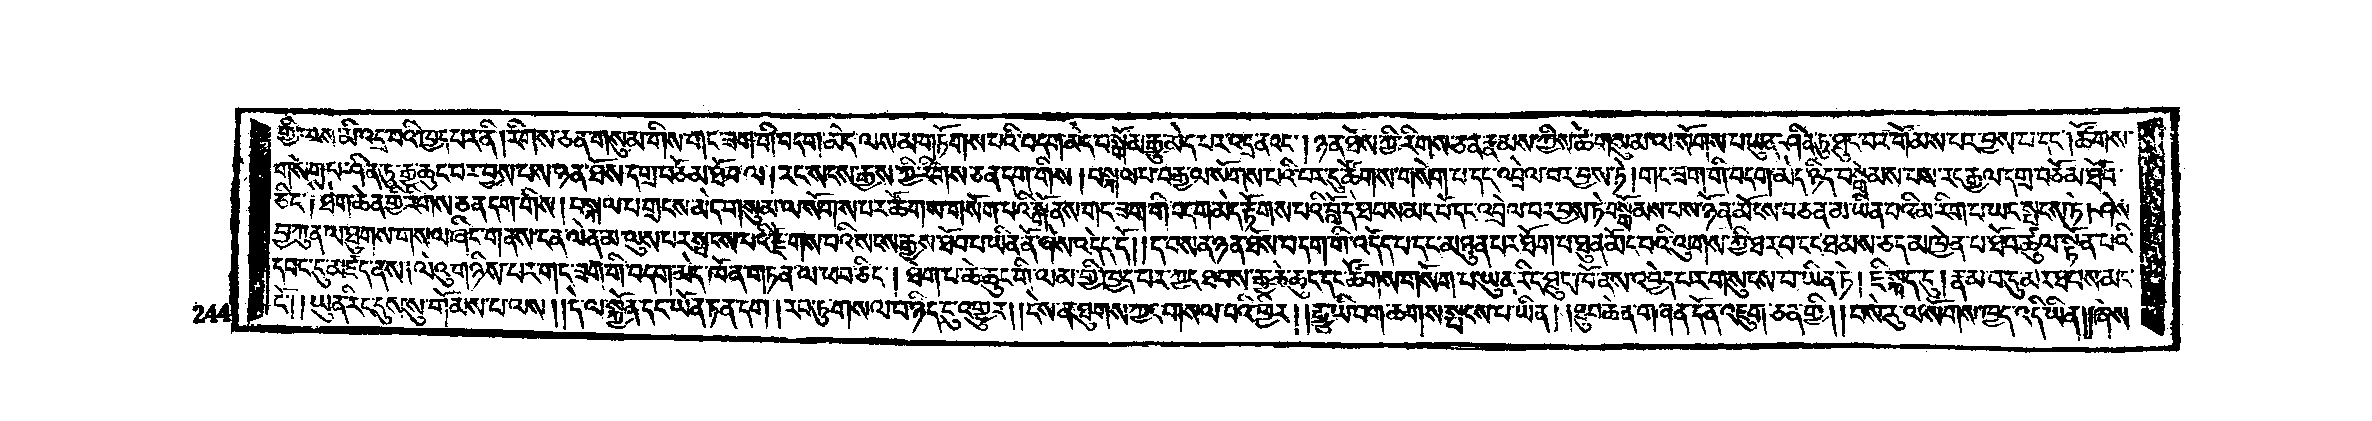གྱི་ལུས་མི་འདྲ་བའི་ཁྱད་པར་ནི། རིགས་ཅན་གསུམ་གིས་གང་ཟག་གི་བདག་མེད་ལས་མ་གཏོགས་པའི་བདག་མེད་བསྒོམ་རྒྱུ་མེད་པར་འདྲ་ནའང་། ཉན་ཐོས་ཀྱི་རིགས་ཅན་རྣམས་ཀྱིས་ཚེ་གསུམ་ལ་སོགས་པ་ཡུན་ཤིན་ཏུ་ཐུང་བར་གོམས་པར་བྱས་པ་དང་། ཚོགས་
གསོགས་ཤིན་ཏུ་རྒྱ་ཆུང་བར་བྱས་པས་ཉན་ཐོས་དགྲ་བཅོམ་ཐོབ་ལ། རང་སངས་རྒྱས་ཀྱི་རིགས་ཅན་དག་གིས། བསྐལ་པ་བརྒྱ་ལ་སོགས་པའི་བར་དུ་ཚོགས་གསོག་པ་དང་འབྲེལ་བར་བྱས་ཏེ། གང་ཟག་གི་བདག་མེད་ཉིད་བསྒོམས་པས་རང་རྒྱལ་དགྲ་བཅོམ་ཐོབ་
ཅིང་། ཐེག་ཆེན་གྱི་རིགས་ཅན་དག་གིས། བསྐལ་པ་གྲངས་མེད་གསུམ་ལ་སོགས་པར་ཚོགས་གསོག་པའི་སྒོ་ནས་གང་ཟག་གི་བདག་མེད་རྟོགས་པའི་བློ་དེ་ཐབས་མང་པོ་དང་འབྲེལ་བར་བྱས་ཏེ་བསྒོམས་པས་ཉོན་མོངས་པ་ཅན་མ་ཡིན་པའི་མ་རིག་པ་ཡང་སྤངས་ཏེ། ཤེས་
བྱ་ཀུན་ལ་ཐུགས་གསལ་ཞིང་གནས་ངན་ལེན་མ་ལུས་པར་སྤངས་པའི་རྫོགས་པའི་སངས་རྒྱས་ཐོབ་པ་ཡིན་ནོ་ཞེས་འདོད་དོ། །དེ་བས་ན་ཉན་ཐོས་བདག་གི་འདོད་པ་དང་མཐུན་པར་ཐེག་པ་ཐུན་མོང་བའི་ལུགས་ཀྱི་ཐར་བ་དང་ཐམས་ཅད་མཁྱེན་པ་ཐོབ་ཚུལ་སྟོན་པའི་
དབང་དུ་མཛད་ནས། ལེའུ་གཉིས་པར་གང་ཟག་གི་བདག་མེད་ཁོ་ན་གཏན་ལ་ཕབ་ཅིང་། ཐེག་པ་ཆེ་ཆུང་གི་ལམ་གྱི་ཁྱད་པར་ཀྱང་ཐབས་རྒྱ་ཆེ་ཆུང་དང་ཚོགས་གསོག་པ་ཡུན་རིང་ཐུང་ཁོ་ནས་འབྱེད་པར་གསུངས་པ་ཡིན་ཏེ། ཇི་སྐད་དུ། རྣམ་བ་དུ་མར་ཐབས་མང་
ངོ། །ཡུན་རིང་དུས་སུ་གོམས་པ་ལས། །དེ་ལ་སྐྱོན་དང་ཡོན་ཏན་དག། རབ་ཏུ་གསལ་བ་ཉིད་དུ་འགྱུར། །དེས་ན་ཐུགས་ཀྱང་གསལ་བའི་ཕྱིར། །རྒྱུ་ཡི་བག་ཆགས་སྤངས་པ་ཡིན། །ཐུབ་ཆེན་གཞན་དོན་འཇུག་ཅན་གྱི། །བསེ་རུ་ལ་སོགས་ཁྱད་འདི་ཡིན། །ཞེས་